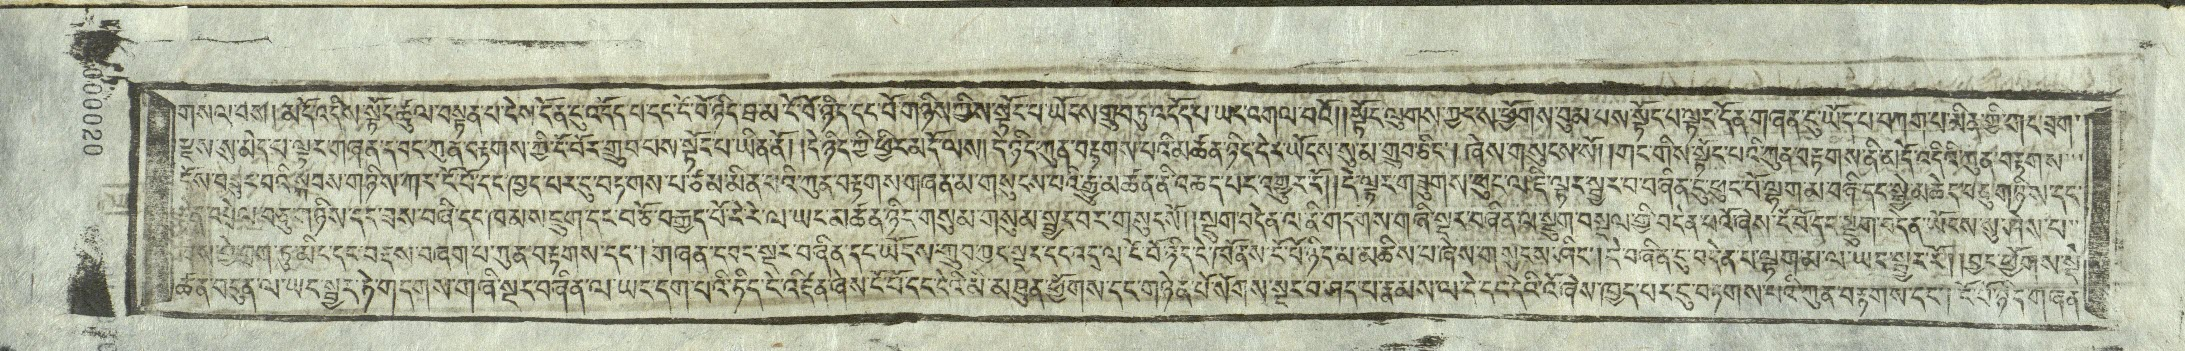གསལ་བས། མདོ་འདིས་སྟོང་ཚུལ་བསྟན་པ་ངེས་དོན་དུ་འདོད་པ་དང་ངོ་བོ་ཉིད་ཐ་མ་ངོ་བོ་ཉིད་དང་པོ་གཉིས་ཀྱིས་སྟོང་པ་ཡོངས་གྲུབ་ཏུ་འདོད་པ་ཡང་འགལ་བའོ། །སྟོང་ལུགས་ཀྱང་ས་ཕྱོགས་བུམ་པས་སྟོང་པ་ལྟར་དོན་གཞན་དུ་ཡོད་པ་བཀག་པ་མིན་གྱི་གང་ཟག་
རྫས་སུ་མེད་པ་ལྟར་གཞན་དབང་ཀུན་བརྟགས་ཀྱི་ངོ་བོར་གྲུབ་པས་སྟོང་པ་ཡིན་ནོ། །དེ་ཉིད་ཀྱི་ཕྱིར་མདོ་ལས། དེ་ཉིད་ཀུན་བརྟགས་པའི་མཚན་ཉིད་དེར་ཡོངས་སུ་མ་གྲུབ་ཅིང་། ཞེས་གསུངས་སོ། །གང་གིས་སྟོང་པའི་ཀུན་བརྟགས་ནི་མདོ་འདིའི་ཀུན་བརྟགས་
ངོས་བཟུང་བའི་སྐབས་གཉིས་ཀར་ངོ་བོ་དང་ཁྱད་པར་དུ་བཏགས་པ་ཙམ་མིན་པའི་ཀུན་བརྟགས་གཞན་མ་གསུངས་པའི་རྒྱུ་མཚན་ནི་འཆད་པར་འགྱུར་རོ། །དེ་ལྟར་གཟུགས་ཕུང་ལ་ཇི་ལྟར་སྦྱར་བ་བཞིན་དུ་ཕུང་པོ་ལྷག་མ་བཞི་དང་སྐྱེ་མཆེད་བཅུ་གཉིས་དང་
རྟེན་འབྲེལ་བཅུ་གཉིས་དང་ཟས་བཞི་དང་ཁམས་དྲུག་དང་བཅོ་བརྒྱད་པོ་རེ་རེ་ལ་ཡང་མཚན་ཉིད་གསུམ་གསུམ་སྦྱར་བར་གསུངས་སོ། །སྡུག་བདེན་ལ་ནི་གདགས་གཞི་སྔར་བཞིན་ལ་སྡུག་བསྔལ་གྱི་བདེན་པའོ་ཞེས་ངོ་བོ་དང་སྡུག་བདེན་ཡོངས་སུ་ཤེས་པ་
ཞེས་བྱེ་བྲག་ཏུ་མིང་དང་བརྡས་བཞག་པ་ཀུན་བརྟགས་དང་། གཞན་དབང་སྔར་བཞིན་དང་ཡོངས་གྲུབ་ཀྱང་སྔར་དང་འདྲ་ལ་ངོ་བོ་ཉིད་དེ་ཁོ་ནས་ངོ་བོ་ཉིད་མ་མཆིས་པ་ཞེས་གསུངས་ཤིང་། དེ་བཞིན་དུ་བདེན་པ་ལྷག་མ་ལ་ཡང་སྦྱར་རོ། །བྱང་ཕྱོགས་སྡེ་
ཚན་བདུན་ལ་ཡང་སྦྱར་ཏེ་གདགས་གཞི་སྔར་བཞིན་ལ་ཡང་དག་པའི་ཏིང་ངེ་འཛིན་ཞེས་ངོ་བོ་དང་དེའི་མི་མཐུན་ཕྱོགས་དང་གཉེན་པོ་སོགས་སྔར་བཤད་པ་རྣམས་ལ་དེ་དང་དེའི་འོ་ཞེས་ཁྱད་པར་དུ་བཏགས་པའི་ཀུན་བརྟགས་དང་། ངོ་བོ་ཉིད་གཞན་